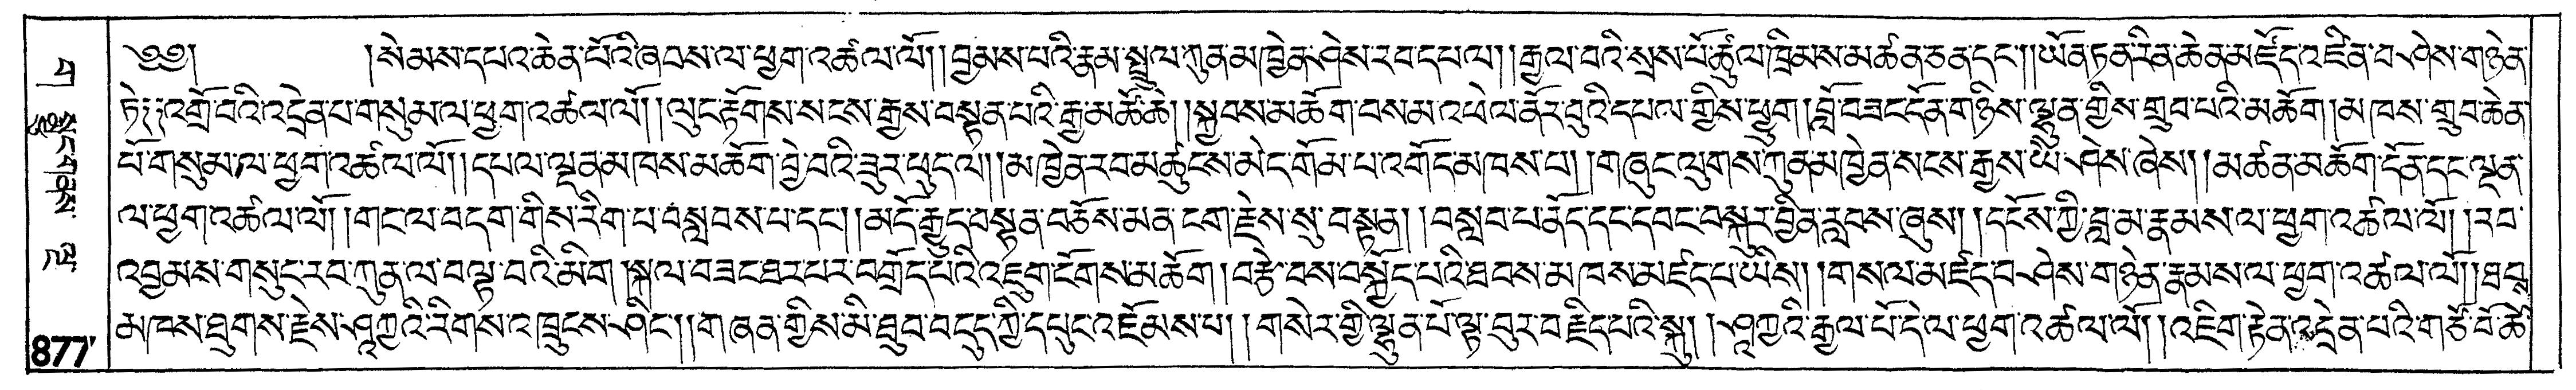༄༅། །སེམས་དཔའ་ཆེན་པོའི་ཞབས་ལ་ཕྱག་འཚལ་ལོ། །བྱམས་པའི་རྣམ་སྤྲུལ་ཀུན་མཁྱེན་ཤེས་རབ་དཔལ། །རྒྱལ་བའི་སྲས་པོ་ཚུལ་ཁྲིམས་མཚན་ཅན་དང་། །ཡོན་ཏན་རིན་ཆེན་མཛོད་འཛིན་བཤེས་གཉེན་
ཏེ། །འགྲོ་བའི་འདྲེན་པ་གསུམ་ལ་ཕྱག་འཚལ་ལོ། །ལུང་རྟོགས་སངས་རྒྱས་བསྟན་པའི་རྒྱ་མཚོ་ཆེ། །སྐྱབས་མཆོག་བསམ་འཕེལ་ནོར་བུའི་དཔལ་གྱིས་ཕྱུག །བློ་བཟང་དོན་གཉིས་ལྷུན་གྱིས་གྲུབ་པའི་མཆོག །མཁས་གྲུབ་ཆེན་
པོ་གསུམ་ལ་ཕྱག་འཚལ་ལོ། །དཔལ་ལྡན་མཁས་མཆོག་བྱེ་བའི་ཟུར་ཕུད་ལ། །མཁྱེན་རབ་མཚུངས་མེད་གོམ་པ་འགོད་མཁས་པ། །གཞུང་ལུགས་ཀུན་མཁྱེན་སངས་རྒྱས་ཡེ་ཤེས་ཞེས། །མཚན་མཆོག་དོན་དང་ལྡན་
ལ་ཕྱག་འཚལ་ལོ། །གང་ལ་བདག་གིས་རིག་པ་བསླབས་པ་དང་། །མདོ་རྒྱུད་བསྟན་བཅོས་མན་ངག་རྗེས་སུ་བསྟན། །བསླབ་པ་ནོད་དང་དབང་བསྐུར་བྱིན་རླབས་ཞུས། །དངོས་ཀྱི་བླ་མ་རྣམས་ལ་ཕྱག་འཚལ་ལོ། །རབ་
འབྱམས་གསུང་རབ་ཀུན་ལ་བལྟ་བའི་མིག །སྐལ་བཟང་ཐར་པར་བགྲོད་པའི་འཇུག་དོགས་མཆོག །བརྩེ་བས་བསྐྱོད་པའི་ཐབས་མཁས་མཛད་པ་ཡིས། །གསལ་མཛད་བཤེས་གཉེན་རྣམས་ལ་ཕྱག་འཚལ་ལོ། །ཐབས་
མཁས་ཐུགས་རྗེས་ཤཱཀྱའི་རིགས་འཁྲུངས་ཤིང་། །གཞན་གྱིས་མི་ཐུབ་བདུད་ཀྱི་དཔུང་འཇོམས་པ། །གསེར་གྱི་ལྷུན་པོ་ལྟ་བུར་བརྗིད་པའི་སྐུ། །ཤཱཀྱའི་རྒྱལ་པོ་དེ་ལ་ཕྱག་འཚལ་ལོ། །འཇིག་རྟེན་འདྲེན་པའི་གཙོ་བོ་ཚེ་